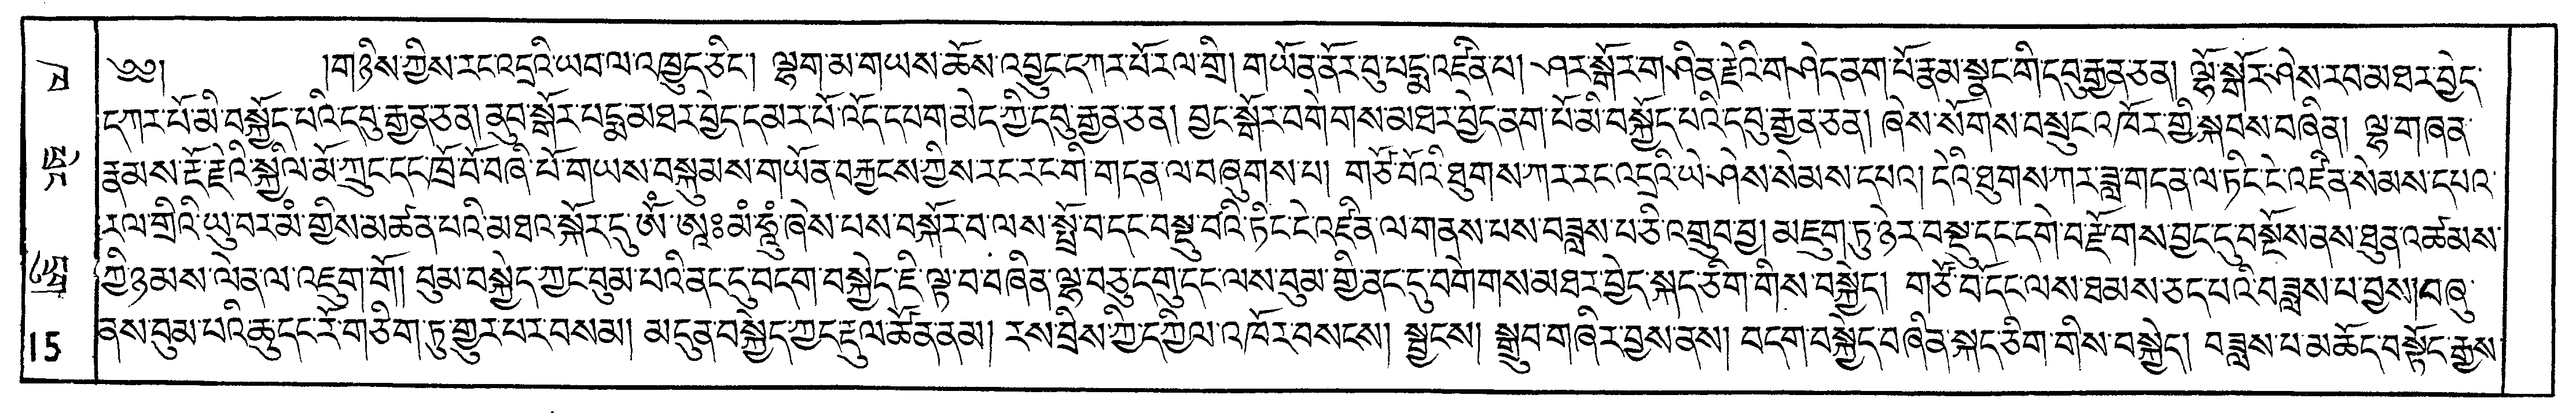༄༅། །གཉིས་ཀྱིས་རང་འདྲའི་ཡབ་ལ་འཁྱུད་ཅིང་། ལྷག་མ་གཡས་ཆོས་འབྱུང་དཀར་པོ་རལ་གྲི། གཡོན་ནོར་བུ་པདམ་འཛིན་པ། ཤར་སྒོར་གཤིན་རྗེའི་གཤེད་ནག་པོ་རྣམ་སྣང་གི་དབུ་རྒྱན་ཅན། ལྷོ་སྒོར་ཤེས་རབ་མཐར་བྱེད་
དཀར་པོ་མི་བསྐྱོད་པའི་དབུ་རྒྱན་ཅན། ནུབ་སྒོར་པདམ་མཐར་བྱེད་དམར་པོ་འོད་དཔག་མེད་ཀྱི་དབུ་རྒྱན་ཅན། བྱང་སྒོར་བགེགས་མཐར་བྱེད་ནག་པོ་མི་བསྐྱོད་པའི་དབུ་རྒྱན་ཅན། ཞེས་སོགས་བསྲུང་འཁོར་གྱི་སྐབས་བཞིན། ལྷ་གཞན་
རྣམས་རྡོ་རྗེའི་སྐྱིལ་མོ་ཀྲུང་དང་ཁྲོ་བོ་བཞི་པོ་གཡས་བསྐུམས་གཡོན་བརྐྱངས་ཀྱིས་རང་རང་གི་གདན་ལ་བཞུགས་པ། གཙོ་བོའི་ཐུགས་ཀར་རང་འདྲའི་ཡེ་ཤེས་སེམས་དཔའ། དེའི་ཐུགས་ཀར་ཟླ་གདན་ལ་ཏིང་ངེ་འཛིན་སེམས་དཔའ་
རལ་གྲིའི་ཡུ་བར་མཾ་གྱིས་མཚན་པའི་མཐའ་སྐོར་དུ་ཨོཾ་ཨཱཿ མཾ་ཧཱུཾ་ཞེས་པས་བསྐོར་བ་ལས་སྤྲོ་བ་དང་བསྡུ་བའི་ཏིང་ངེ་འཛིན་ལ་གནས་པས་བཟླས་པ་ཅི་འགྲུབ་བྱ། མཇུག་ཏུ་ཉེར་བསྡུ་དང་དགེ་བ་རྫོགས་བྱང་དུ་བསྔོས་ནས་ཐུན་འཚམས་
ཀྱི་ཉམས་ལེན་ལ་འཇུག་གོ །བུམ་བསྐྱེད་ཀྱང་བུམ་པའི་ནང་དུ་བདག་བསྐྱེད་ཇི་ལྟ་བ་བཞིན་ལྷ་བཅུ་དགུ་དང་ལས་བུམ་གྱི་ནང་དུ་བགེགས་མཐར་བྱེད་སྐད་ཅིག་གིས་བསྐྱེད། གཙོ་བོ་དང་ལས་ཐམས་ཅད་པའི་བཟླས་པ་བྱས། བཞུ་
ནས་བུམ་པའི་ཆུ་དང་རོ་གཅིག་ཏུ་གྱུར་པར་བསམ། མདུན་བསྐྱེད་ཀྱང་རྡུལ་ཚོན་ནམ། རས་བྲིས་ཀྱི་དཀྱིལ་འཁོར་བསངས། སྦྱངས། སྒྲུབ་གཞིར་བྱས་ནས། བདག་བསྐྱེད་བཞིན་སྐད་ཅིག་གིས་བསྐྱེད། བཟླས་པ་མཆོད་བསྟོང་རྒྱས་